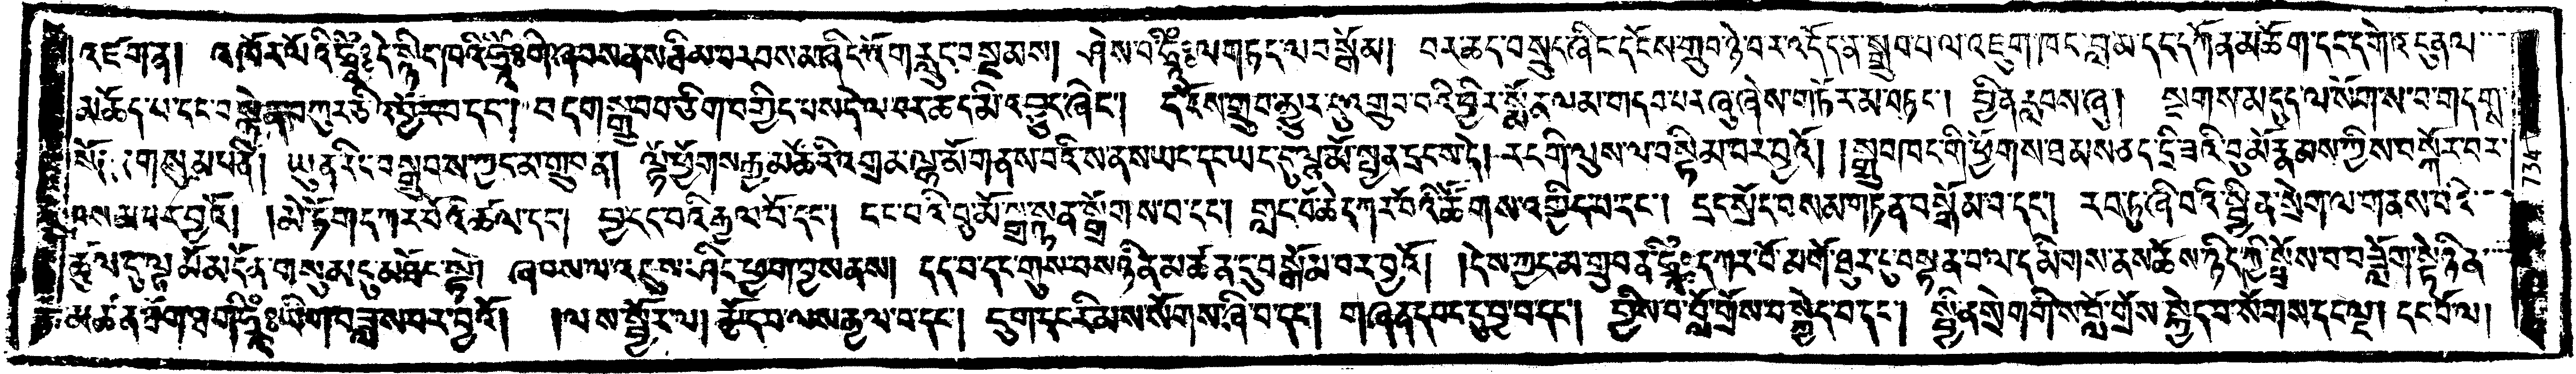འཛག་ན། འཁོར་ལོའི་ཧྲཱིཾཿ དེ་སྙིང་ཁའི་ཧྲཱིཾཿ གི་ཞབས་ནས་ཐིམ་བར་བསམ་ཞིང་འོག་རླུང་བསྔམས། ཤེས་བ་ཧྲཱིཾཿ ལ་གཏད་ལ་བསྒོམ། བར་ཆད་བསྲུང་ཞིང་དངོས་གྲུབ་ཉེ་བར་འདོད་ན་སྒྲུབ་བ་ལ་འཇུག་ཁར་བླ་མ་དང་དཀོན་མཆོག་དང་དགེ་འདུན་ལ་
མཆོད་པ་དང་བསྙེན་བཀུར་ཅི་འབྱོར་བ་དང་། བདག་སྒྲུབ་པ་ཅིག་བགྱིད་པས་དེ་ལ་བར་ཆད་མི་འབྱུང་ཞིང་། དངོས་གྲུབ་མྱུར་དུ་འགྲུབ་བའི་བྱིར་སྨོན་ལམ་གདབ་པར་ཞུ་ཞེས་གཏོར་མ་བཏང་། བྱིན་རླབས་ཞུ། སྔགས་མདུད་ལ་སོགས་པ་གདགས་
སོ༑ ༑གསུམ་པ་ནི། ཡུན་རིང་བསྒྲུབ་ས་ཀྱང་མ་གྲུབ་ན། ལྟོ་ཕྱོགས་རྒྱ་མཚོའི་འགྲམ་ལྷ་མོ་གནས་བའི་ས་ནས་ཡང་དང་ཡང་དུ་ལྷ་མོ་སྤྱན་དྲངས་དེ། རང་གི་ལུས་ལ་བསྟིམ་པར་བྱའོ། །སྒྲུབ་ཁང་གི་ཕྱོགས་ཐམས་ཅད་དྲི་ཟའི་བུ་མོ་རྣམས་ཀྱིས་བསྐོར་བར་
བསམ་པར་བྱའོ། །མེ་ཏོག་དཀར་བོའི་ཚལ་དང་། བྱང་བའི་རྒྱལ་པོ་དང་། དང་བའི་བུ་མོ་སྒྲ་སྙན་སྒྲོགས་བ་དང་། གླང་བོ་ཆེ་དཀར་བོའི་ཚོགས་འགྱིད་པ་དང་། དྲང་སྲོང་བསམ་གཏན་བསྒོམ་པ་དང་། རབ་ཏུ་ཞི་བའི་སྦྱིན་སྲེག་ལ་གནས་བའི་
ཚུལ་དུ་ལྟ་མོ་མངོན་གསུམ་དུ་མཐོང་སྟེ། ཞབས་ལ་འཇུས་ཤིང་ཕྱག་བྱས་ནས། དད་པ་དང་གུས་བས་ཉིན་མཚན་དུ་བསྒོམ་བར་བྱའོ། །དེས་ཀྱང་མ་གྲུབ་ན་ཧྲཱིཾཿ དཀར་པོ་མགོ་ཐུར་དུ་བསྟན་བ་ལ་དམིགས་ནས་ཆོས་ཉིད་ཀྱི་སྤྲོས་བ་བཟློག་སྟེ་ཉིན་
མཚན་ཐོག་ཐག་?ཧྲཱིཾཿ ཡིག་བཟླས་བར་བྱའོ། །ལས་སྦྱོར་ལ། རྩོད་བ་ལས་རྒྱལ་བ་དང་། བུག་དང་རིམས་སོགས་ཞི་བ་དང་། གཞན་དབང་དུ་བྱ་བ་དང་། བྱིས་བ་བློ་གྲོས་བསྐྱེད་བ་དང་། སྦྱིན་སྲེག་གིས་བློ་གྲོས་སྐྱེད་བ་སོགས་དང་ལྔ། དང་པོ་ལ།